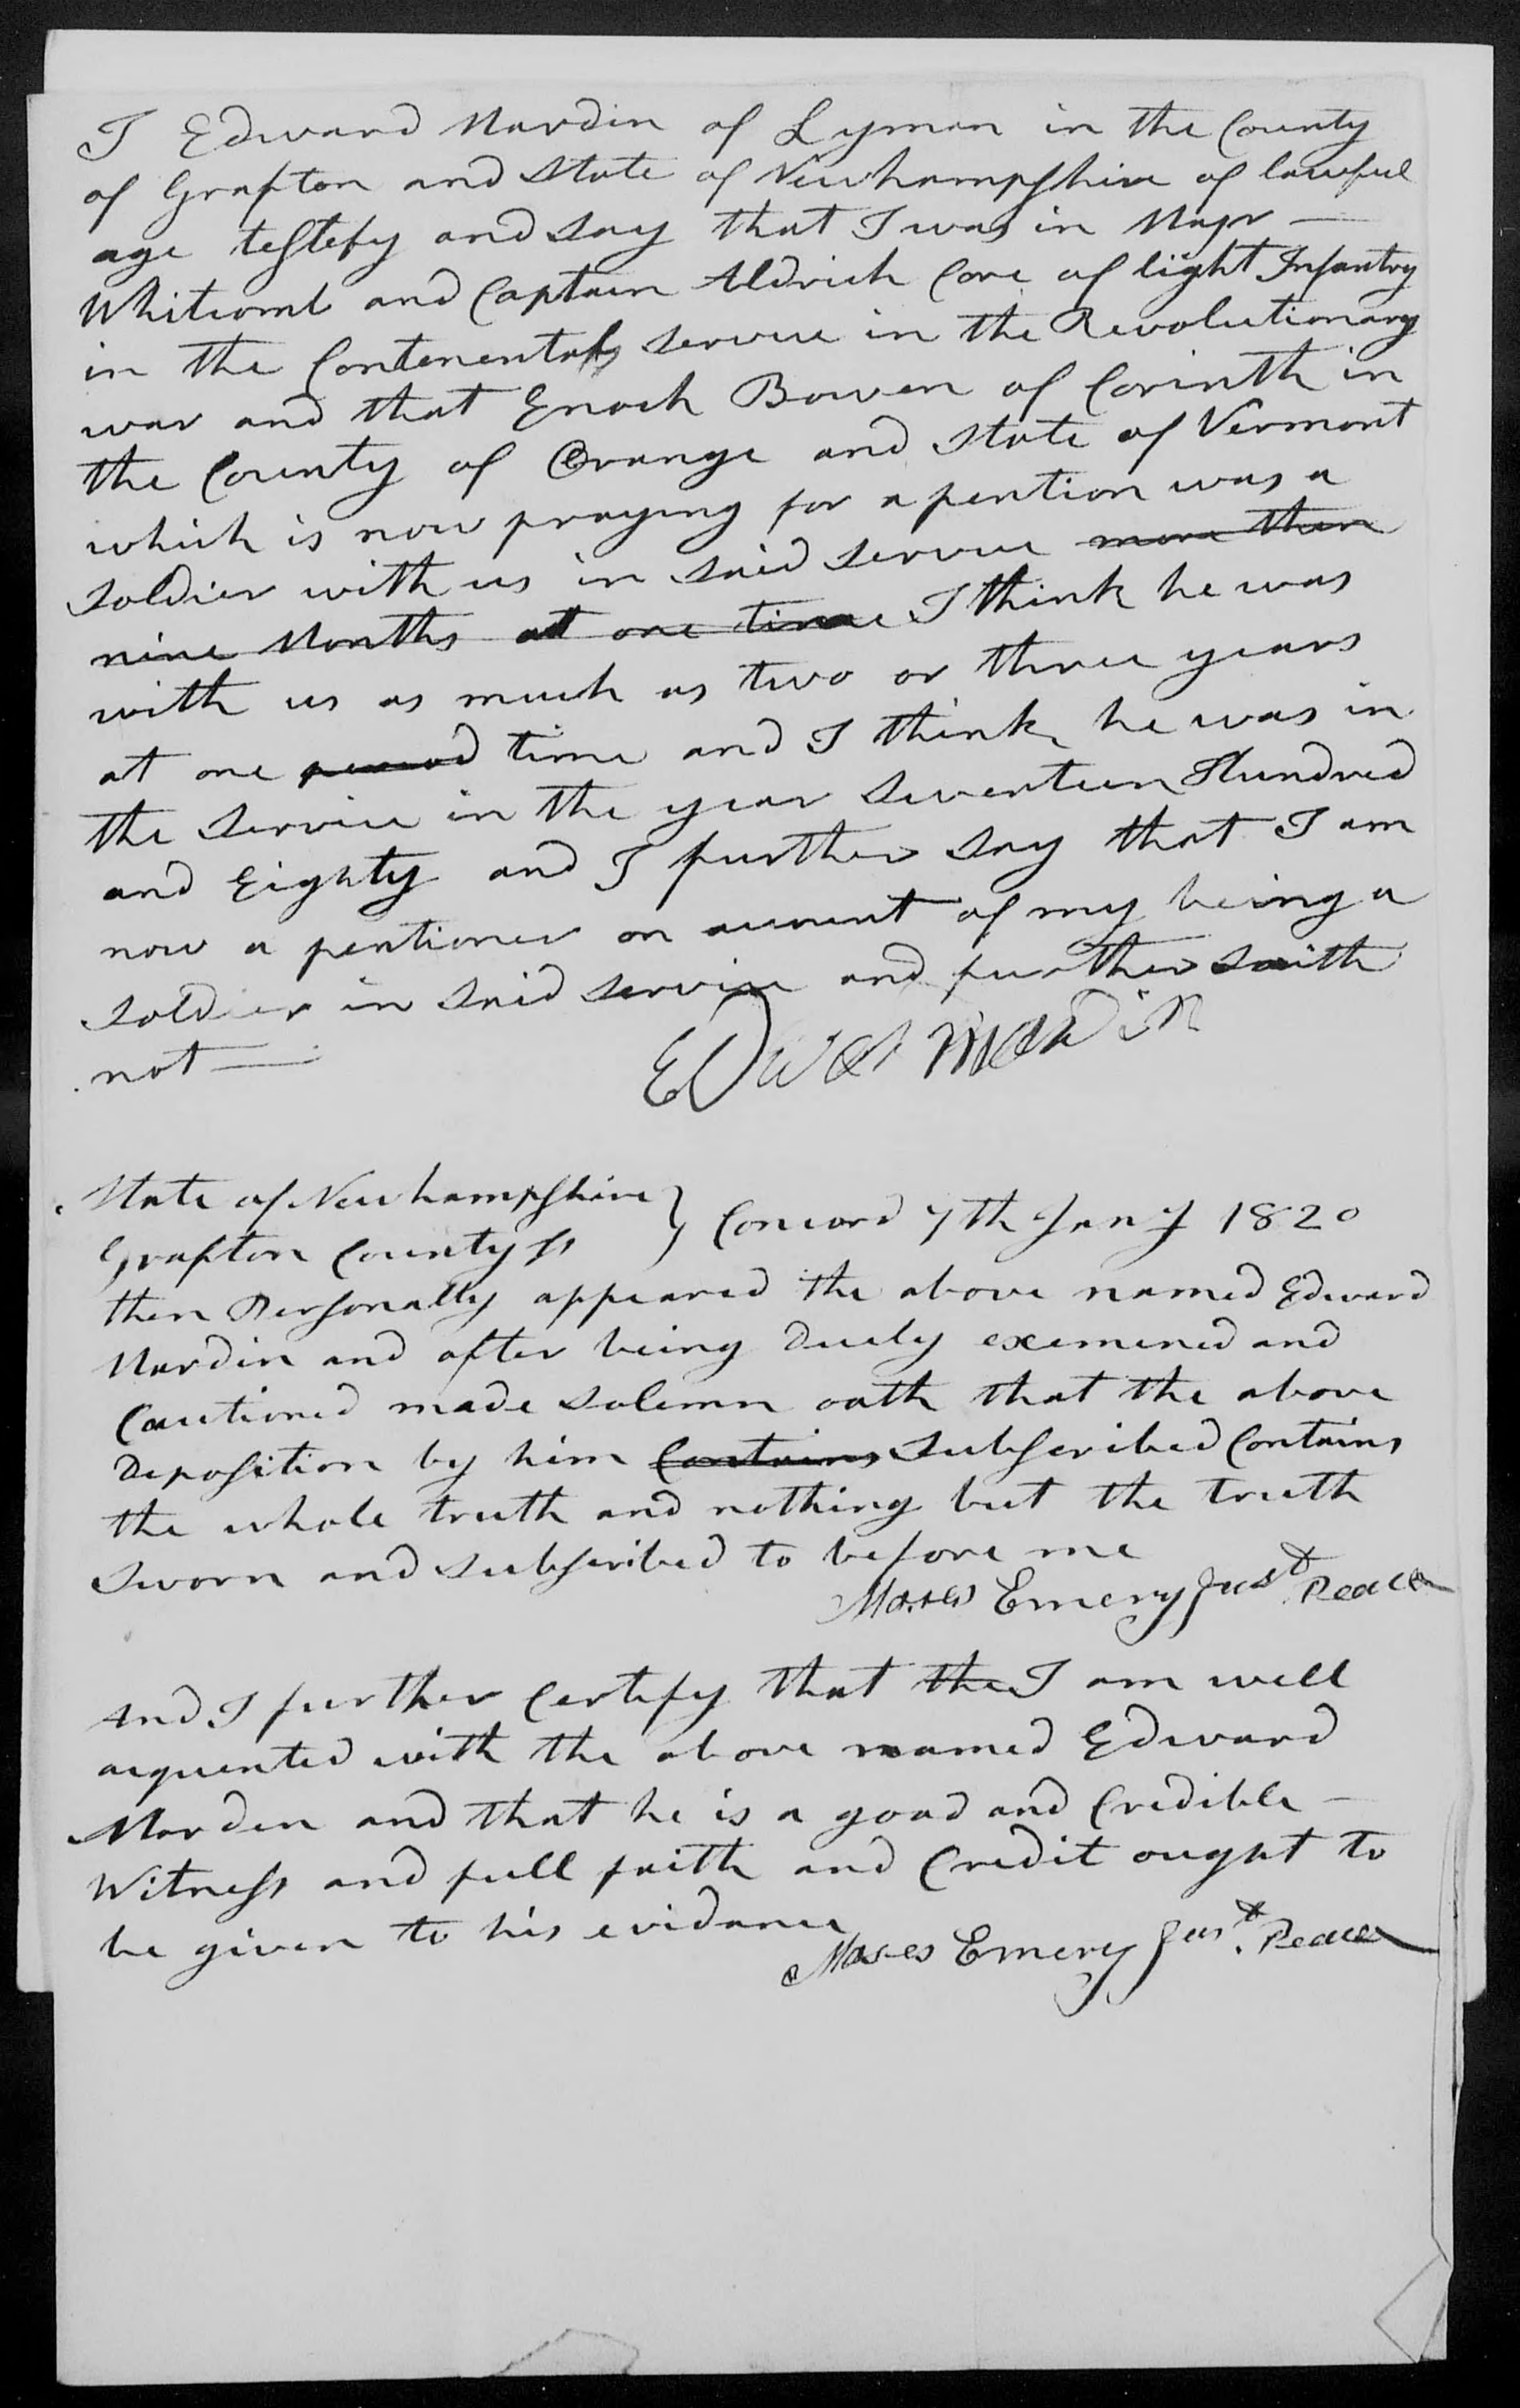I Edward Mardin of Lyman in the County
of Grafton and State of Newhampshire of lawful
age testify and say that I was in Major Whitcomb
and Captain Aldrich Cove of light Infantry
in the Continental service in the Revolutionary war
and that Enoch Bowen of Corinth in
the County of Orange and State of Vermont
which is now praying for a pention [pension] was
soldier with us in said service more than
nine months at one I think he was
with us as much as two or three years
at one time and I think he was in
the service in the year Seventeen Hundred
and Eighty and I further say that I am
now a pentioner on account of my being a
soldier in said service
and further saith
[signature] Edward Mardin

State of Newhampshire Concord 7th June 1820
Grafton County ss
then personally appeared the above named Edward
Mardin and after being duly examined and
cautioned made solemn oath that the above
deposition by him subscribed contains
the whole truth and nothing but the truth
Sworn and subscribed to before me
[signature] Moses Emery Just Peace
and I further certify that the I am well
acquainted with the above named Edward
Bowen and that he is a good and Credible
Witness and full faith and credit ought to
be given to his evidence
[signature] Moses Emery Just Peace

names: Moses Emery, Edward Mardin, Moses Emery, Edward Mardin, Edwd Mardin, Aldrich, Enoch Bowen, Whitcomb, Edward Mardin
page: 9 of 11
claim: survivor's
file: S. 41,453, Enoch Bowen, N.H.